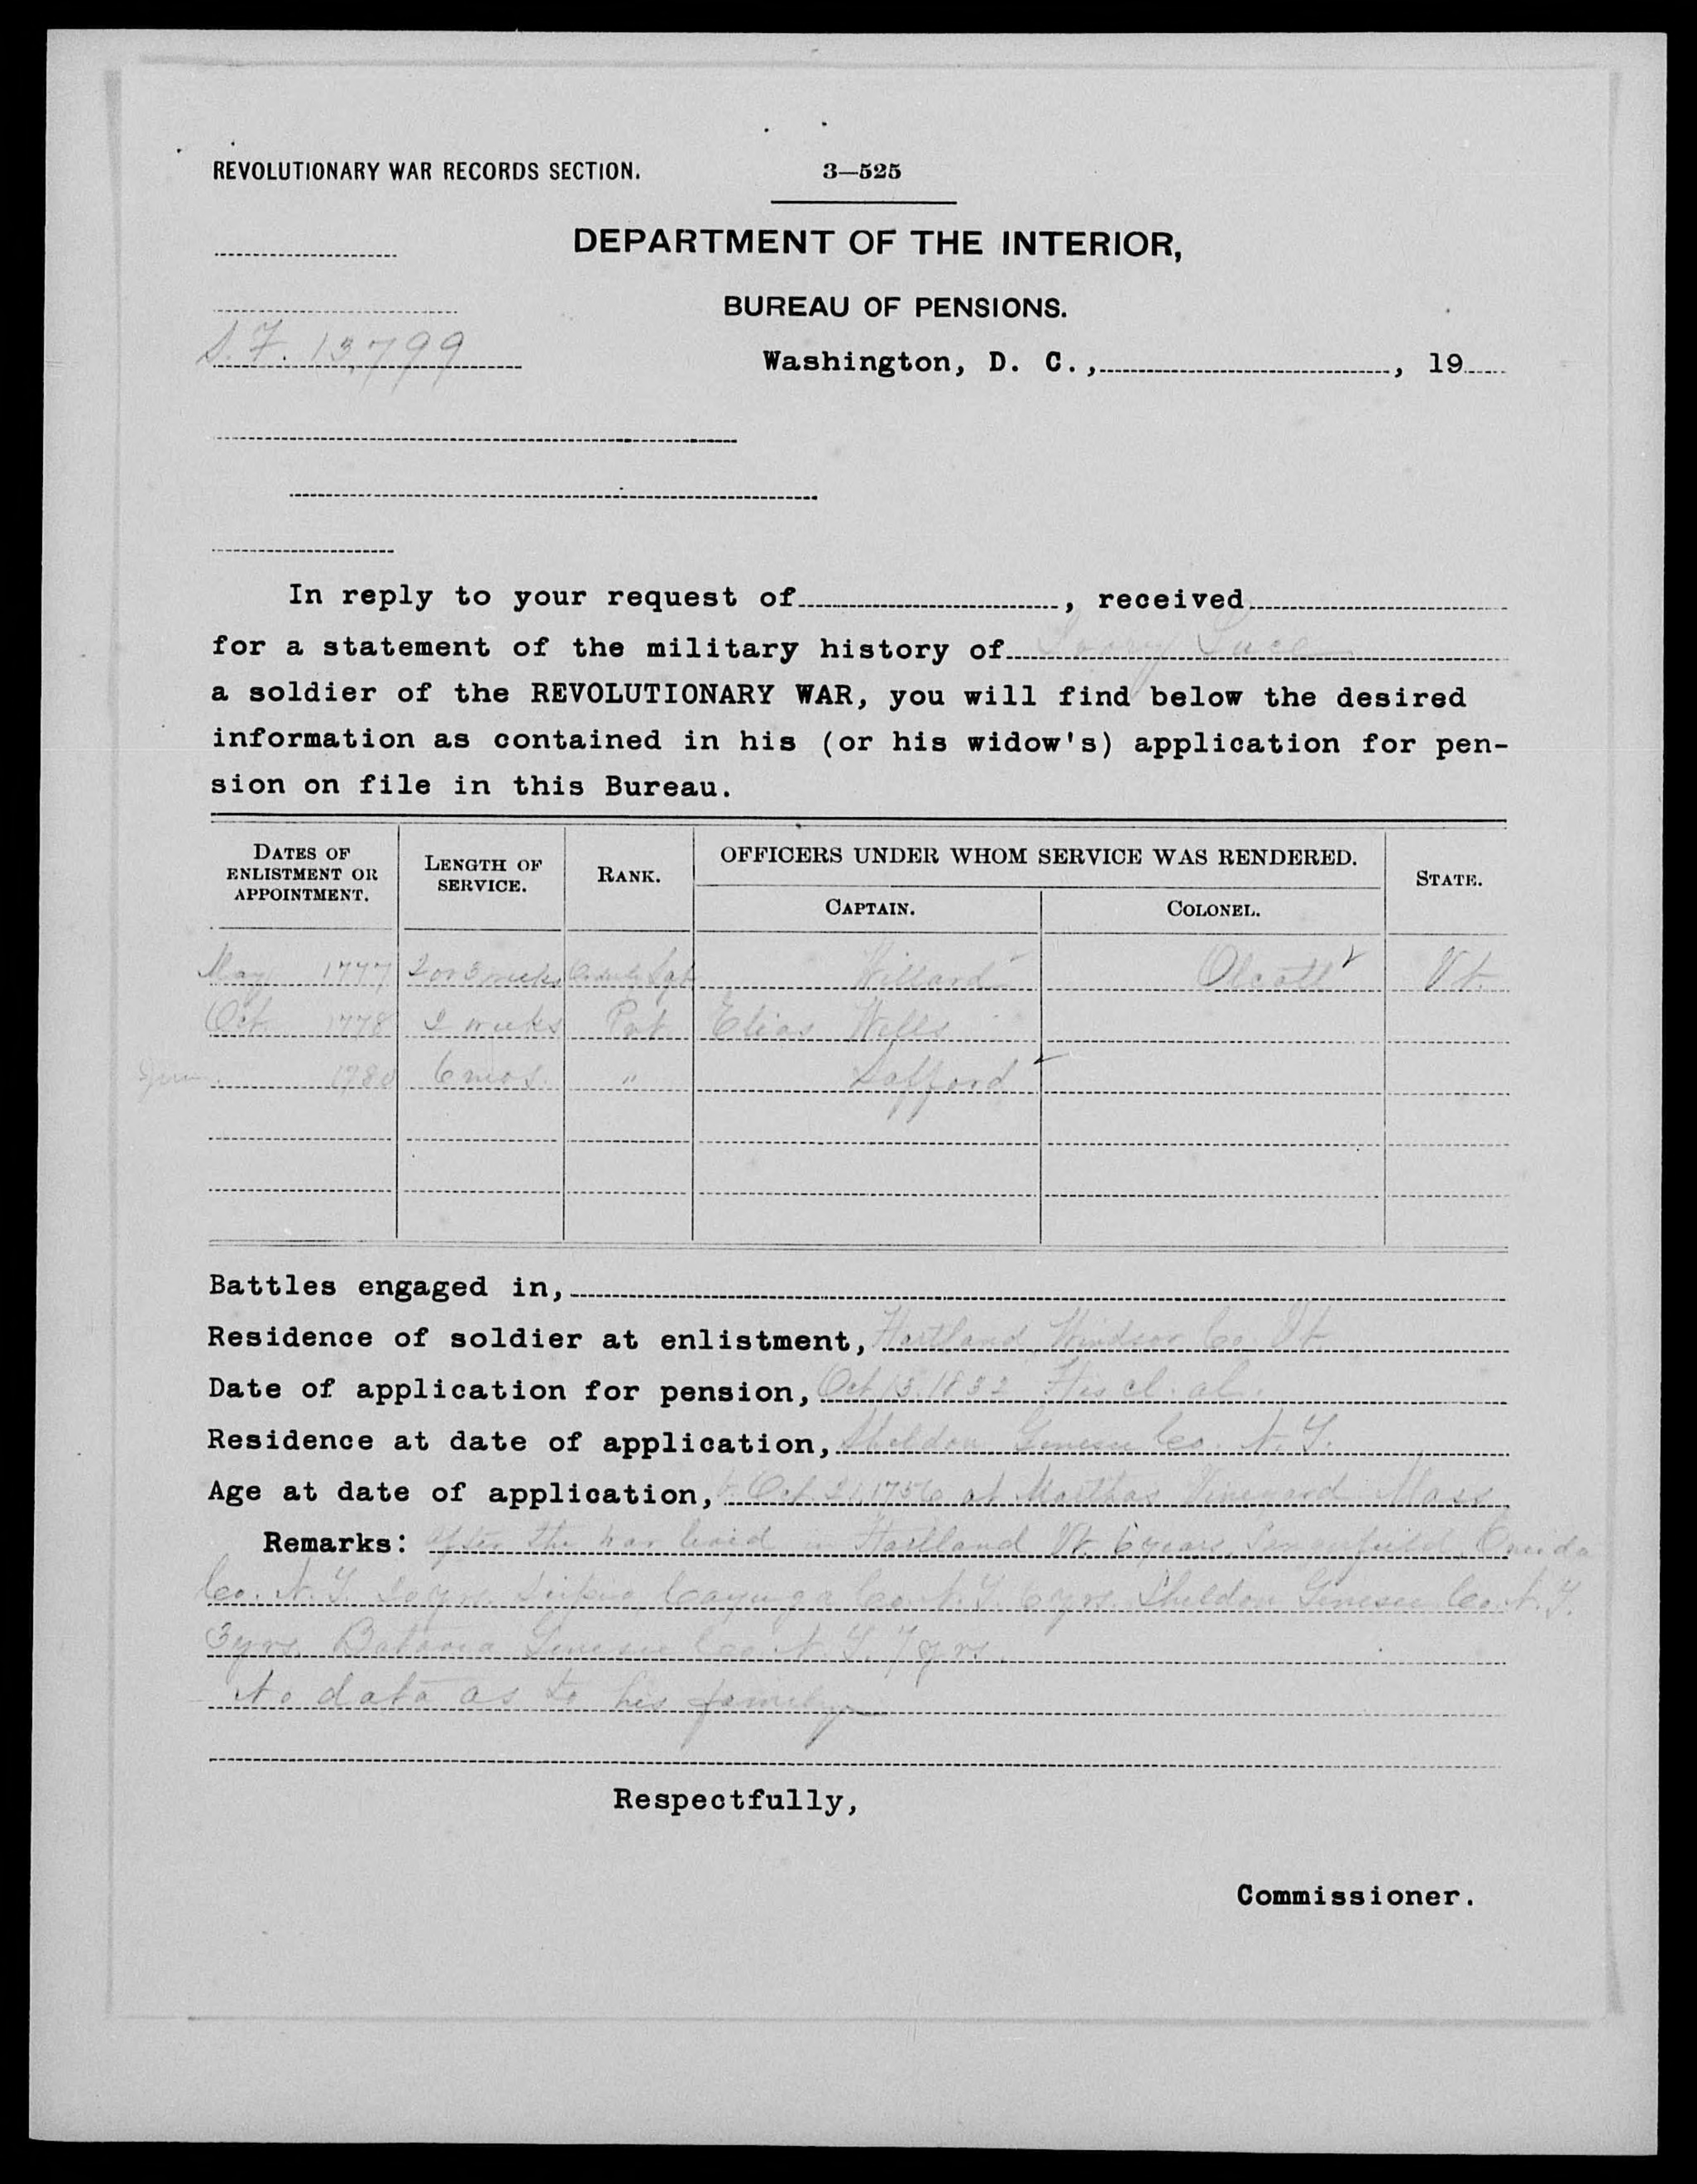REVOLUTIONARY WAR RECORDS SECTION
3-525
DEPARTMENT OF THE INTERIOR,
Bureau of Pensions
Washington, D. C., ____, 19__

S.F. 13799

In reply to your request of ___, received ___ for a statement of the military history of Ivory Luce a soldier of the REVOLUTIONARY WAR, you will find below the desired information as contained in his (or his widow's) application for pension on file in this Bureau.

[headers]
Dates of enlistment or appointment. | length of service. | Rank. | OFFICERS UNDER WHOM SERVICE WAS RENDERED. | State.

Captain. | Colonel.

[content]
May 1777 | 2 or 3 weeks | Orderly Sgt | Willard | Olcott | Vt

Oct 1778 | 2 weeks | Pvt | Elias Wells | | |

1780 | 6 mos. | Pvt | Safford | | |

Battles engaged in, _____________
Residence of soldier at enlistment, Hartland, Windsor Co. Vt.
Date of application for pension, Oct 13, 1832 His cl. al.
Residence at date of application,  Sheldon Genesee Co. N. Y.
Age at date of application, b. Oct 21, 1756 at Martha's Vineyard Mass.

Remarks:  After the war lived in Hartland Vt 6 years, Saugerfield Oneida Co. N.Y. 20 yrs, Scipio Cayuga Co. N.Y. 6 yrs.,  Sheldon Genesee Co. 3 yrs., Batavia Genesee Co. N.Y. 7 yrs.  No data as to his family 

Respectfully, 
Commissioner.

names: Ivory Luce; Elias Wells; [BLANK] Willard; [BLANK] Olcott; [BLANK] Safford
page: 66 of 70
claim: rejected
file: R. 6510, for Israel Luce, New York